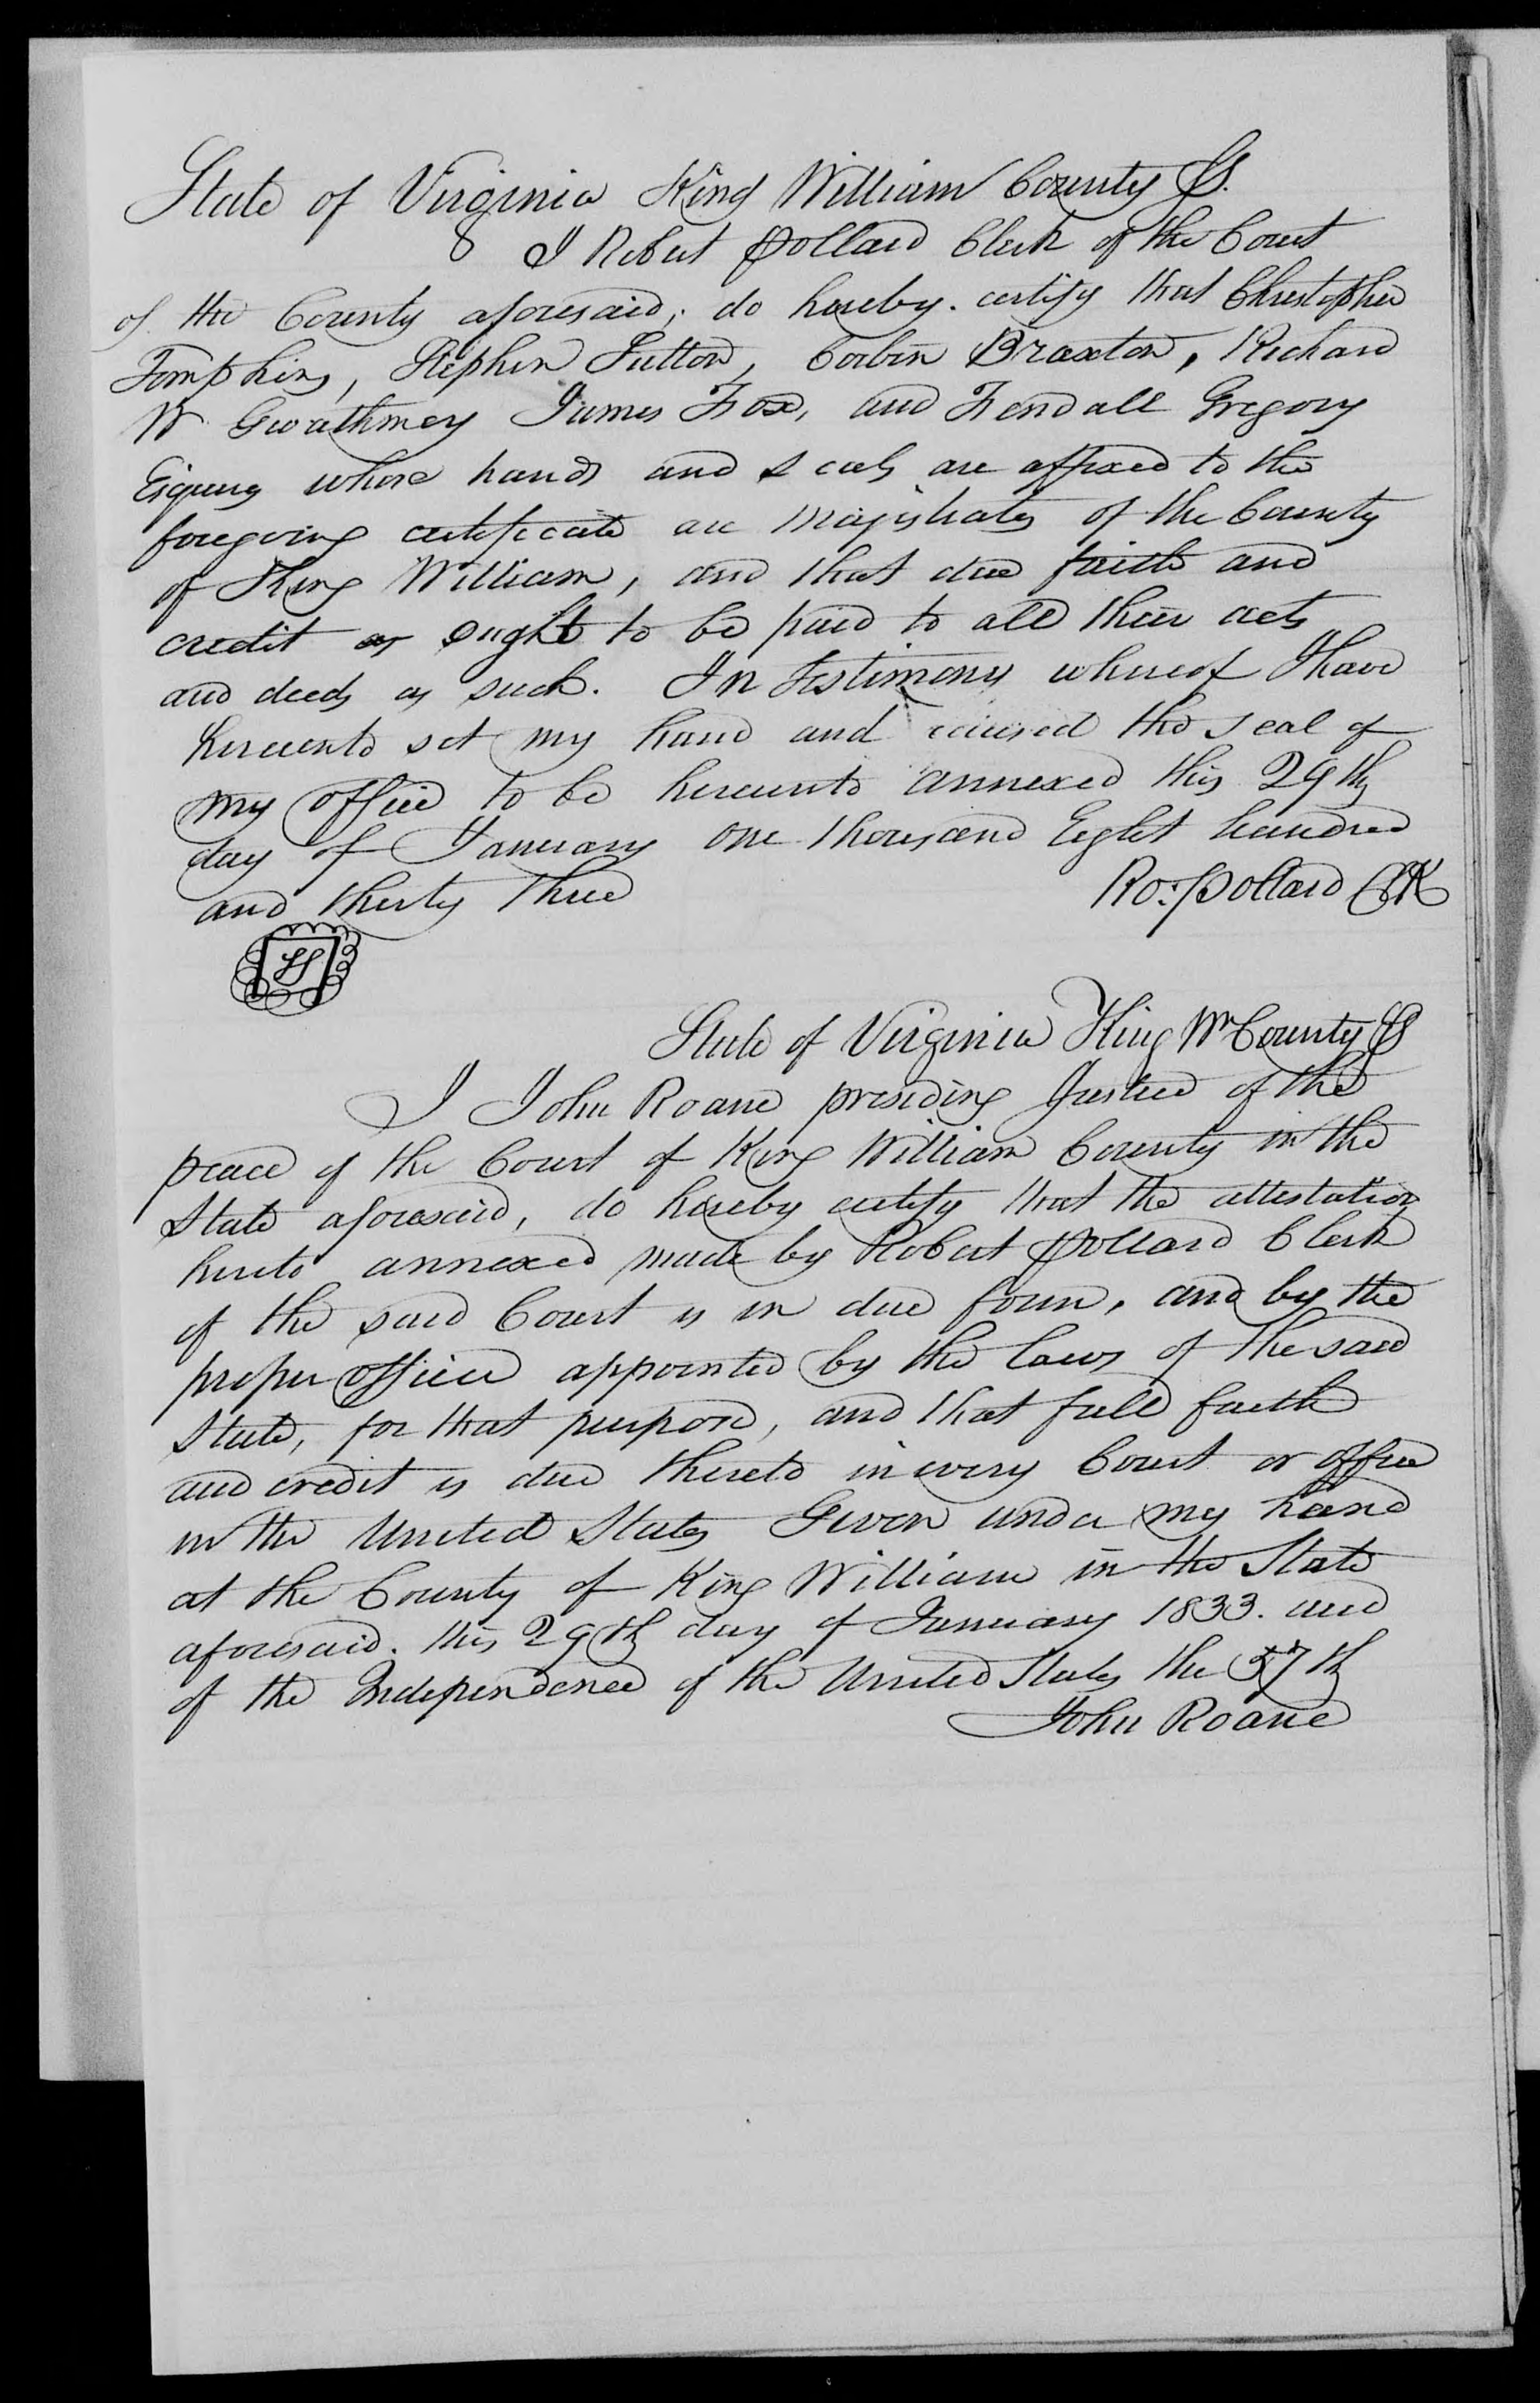State of Virginia King William County [?]
I Robert Pollard clerk of the Court of the County aforesaid, do hereby certify that Christopher Tompkins, Stephen Sutton, Corbin Braxton, Richard D Gwathmay, James Fox, and Kendall Gregory [?] whose hands and [?] are affixed to the foregoing certificate are majistrates of the County of King William, and that due faith and credit ought to be paid to all their acts and deed as such. In testimony whereof I have hereunto set my hand and [?] the seal of my office to be hereunto annexed this 29th day of January one thousand eight hundred and thirty three
Ro. Pollard [?]

State of Virginia King W County 
I John Roane presiding Justice of the peace of the Court of King William county in the state aforesaid, do hereby certify that the attestation hereto annexed made by Robert Pollard clerk of the said court is in due form, and by the proper office appointed by the laws of the said state, for that purpose, and that full faith and credit is due thereto in every court or office in the United States given under my hand at the county of King William in the State aforesaid. this 29th day of January 1833. and of the independence of the United States the 57th
John Roane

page: 6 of 22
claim: rejected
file: R. 17251, for Thomas Quarles, Virginia